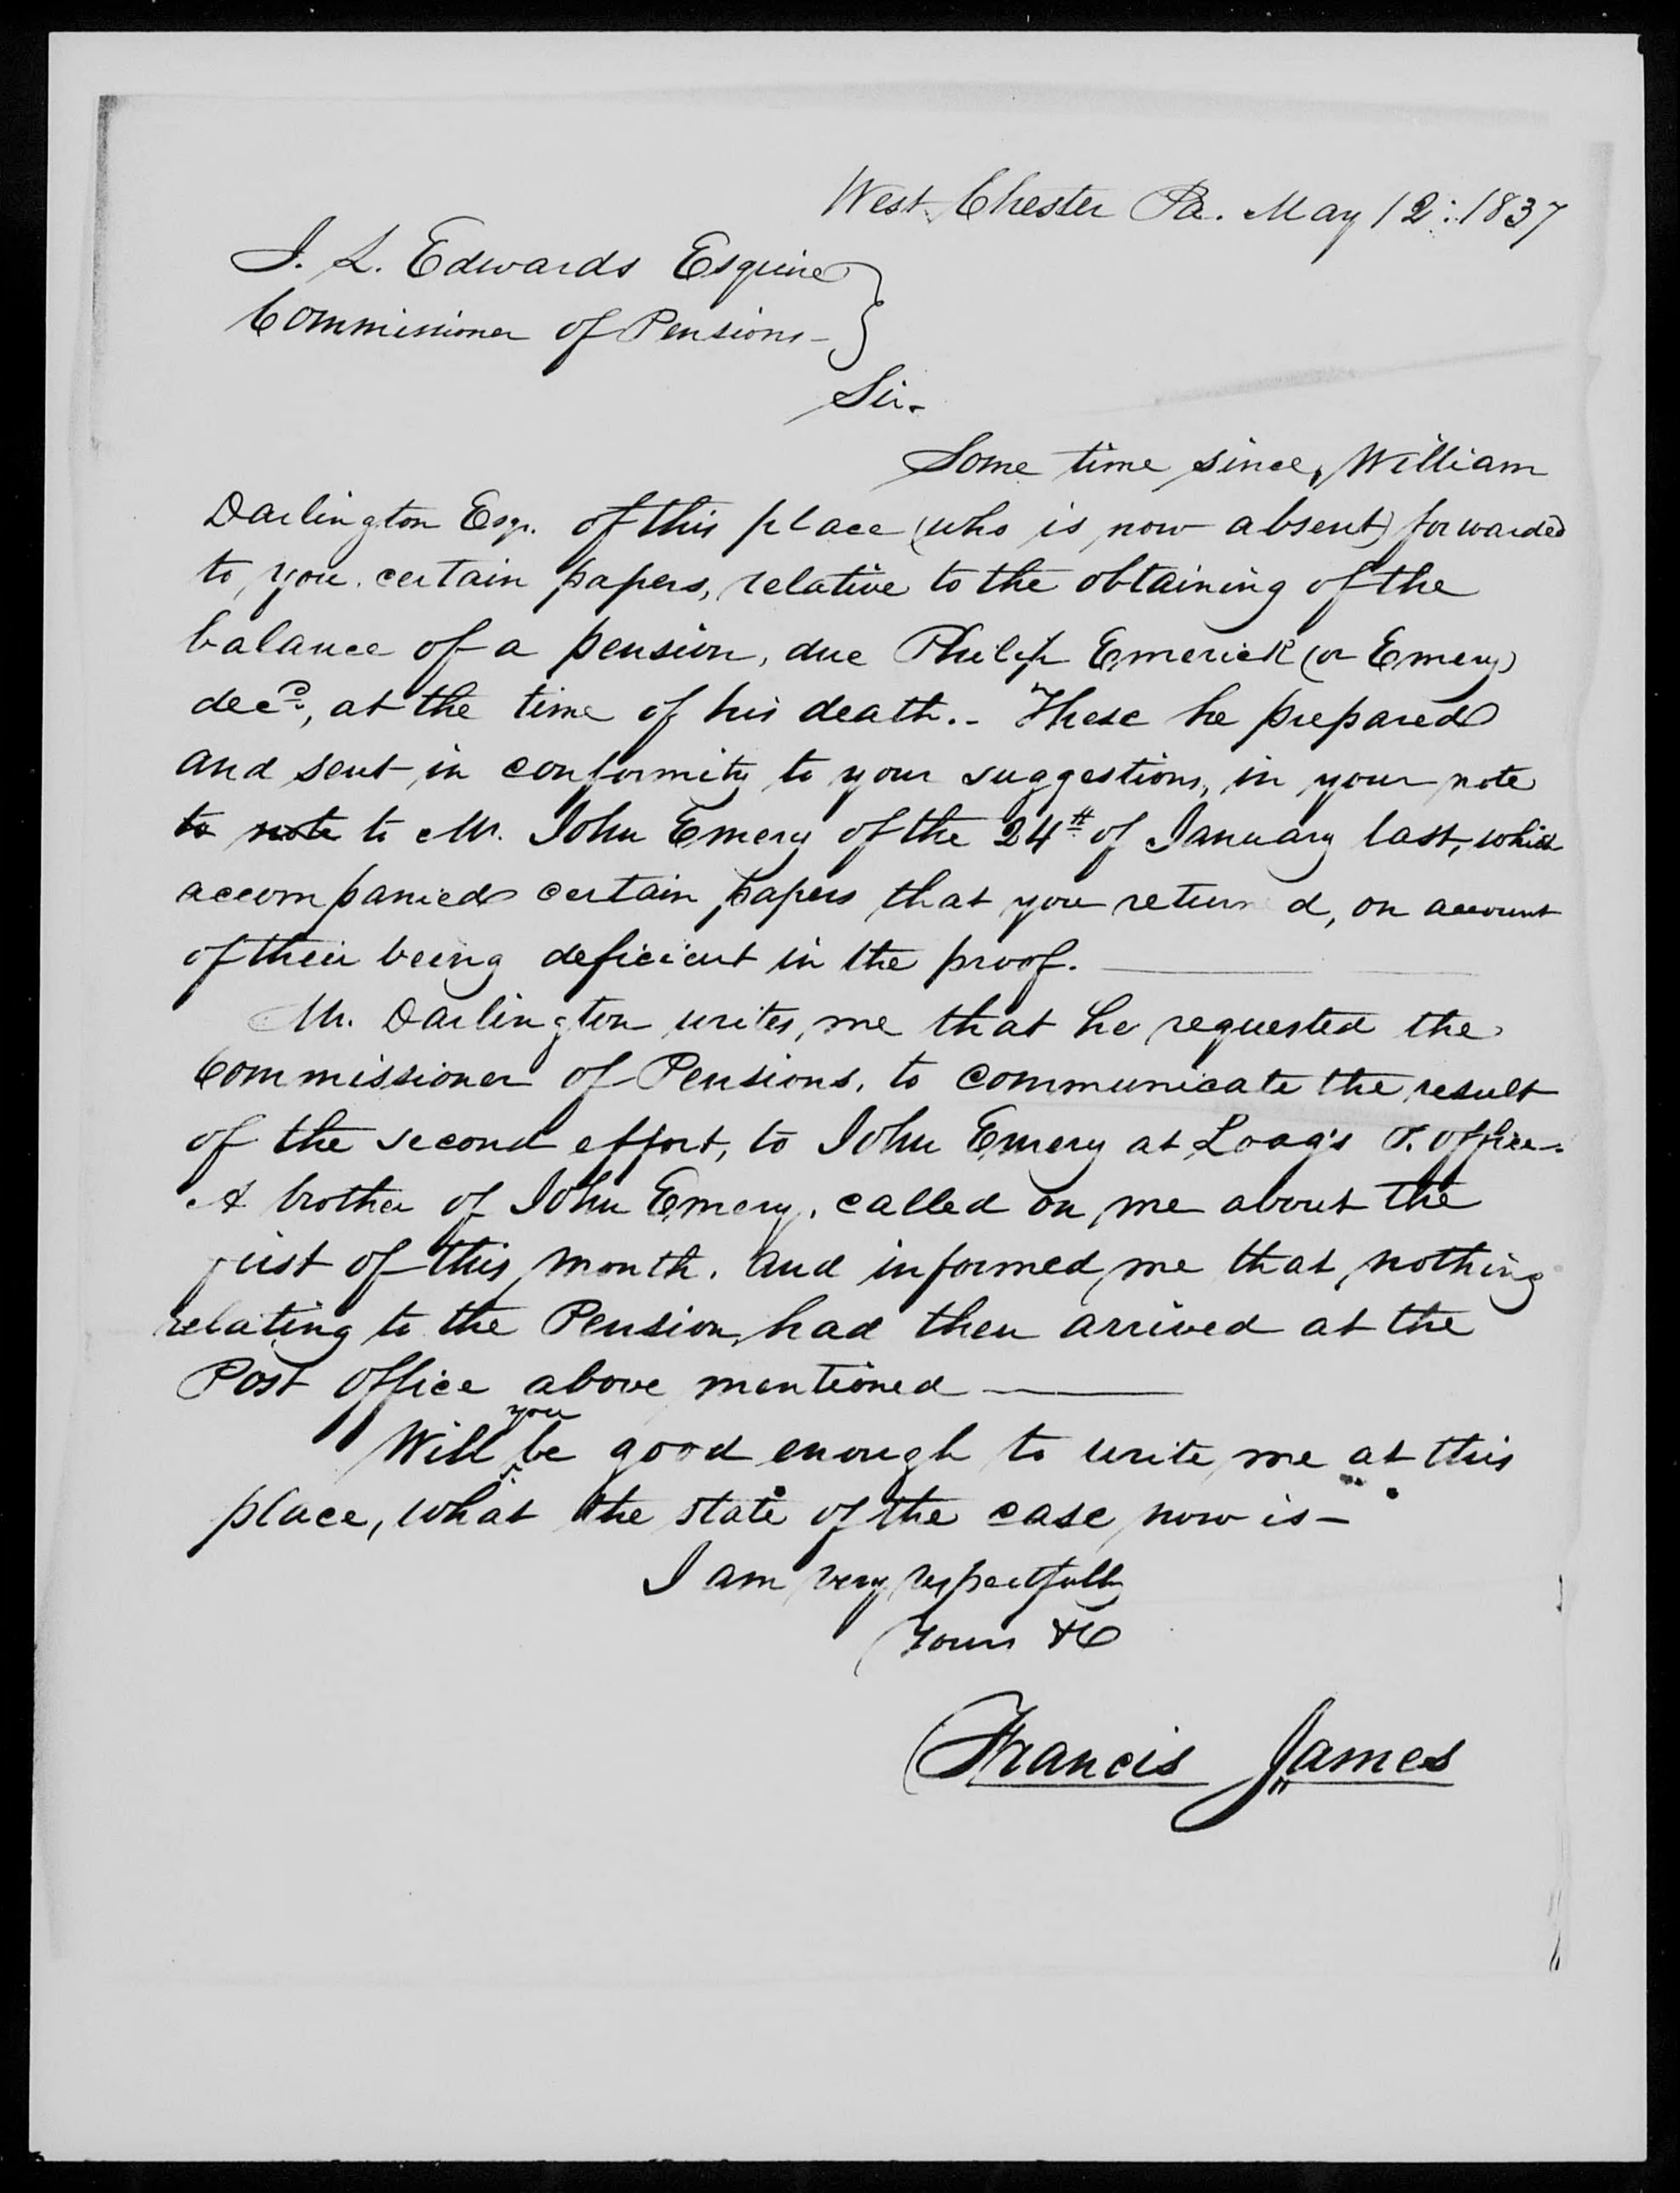West Chester Pa. May 12. 1837

J. L. Edwards Esquire}
Commissioner of Pensions}
Sir
Some time since, William Darlington Esq. of this place (who is now absent) forwarded
to you, certain papers relative to the obtaining of the balance of a pension due Philip Emerick (or Emery) decd, at the time of his death. These he prepared and sent in conformity to your suggestions, in your note [begin crossed out] to note [end crossed out] to Mr. John Emery of the 24th of January last, which accompanied certain papers that you returned, on account
of their being deficient in the proof.-
Mr. Darlington writes me that he requested the
Commissioner of Pensions, to communicate the result of the second effort, to John Emery at Long's P. Office.
A brother of John Emery, called on me about the first of this month, and informed me that nothing relating to the Pension had then arrived at the Post office above mentioned -
Will ^(you) be good enough to write me at this
place, what the state of the case now is -
I am very respectfully
Yours &c
Francis James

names: John Emery, Philip Emery, Francis James, Darlington, John Emery, Philip Emerick, William Darlington, John Emery, J L Edwards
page: 25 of 29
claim: survivor's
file: S. 23618, Philip Emerick, Penn.